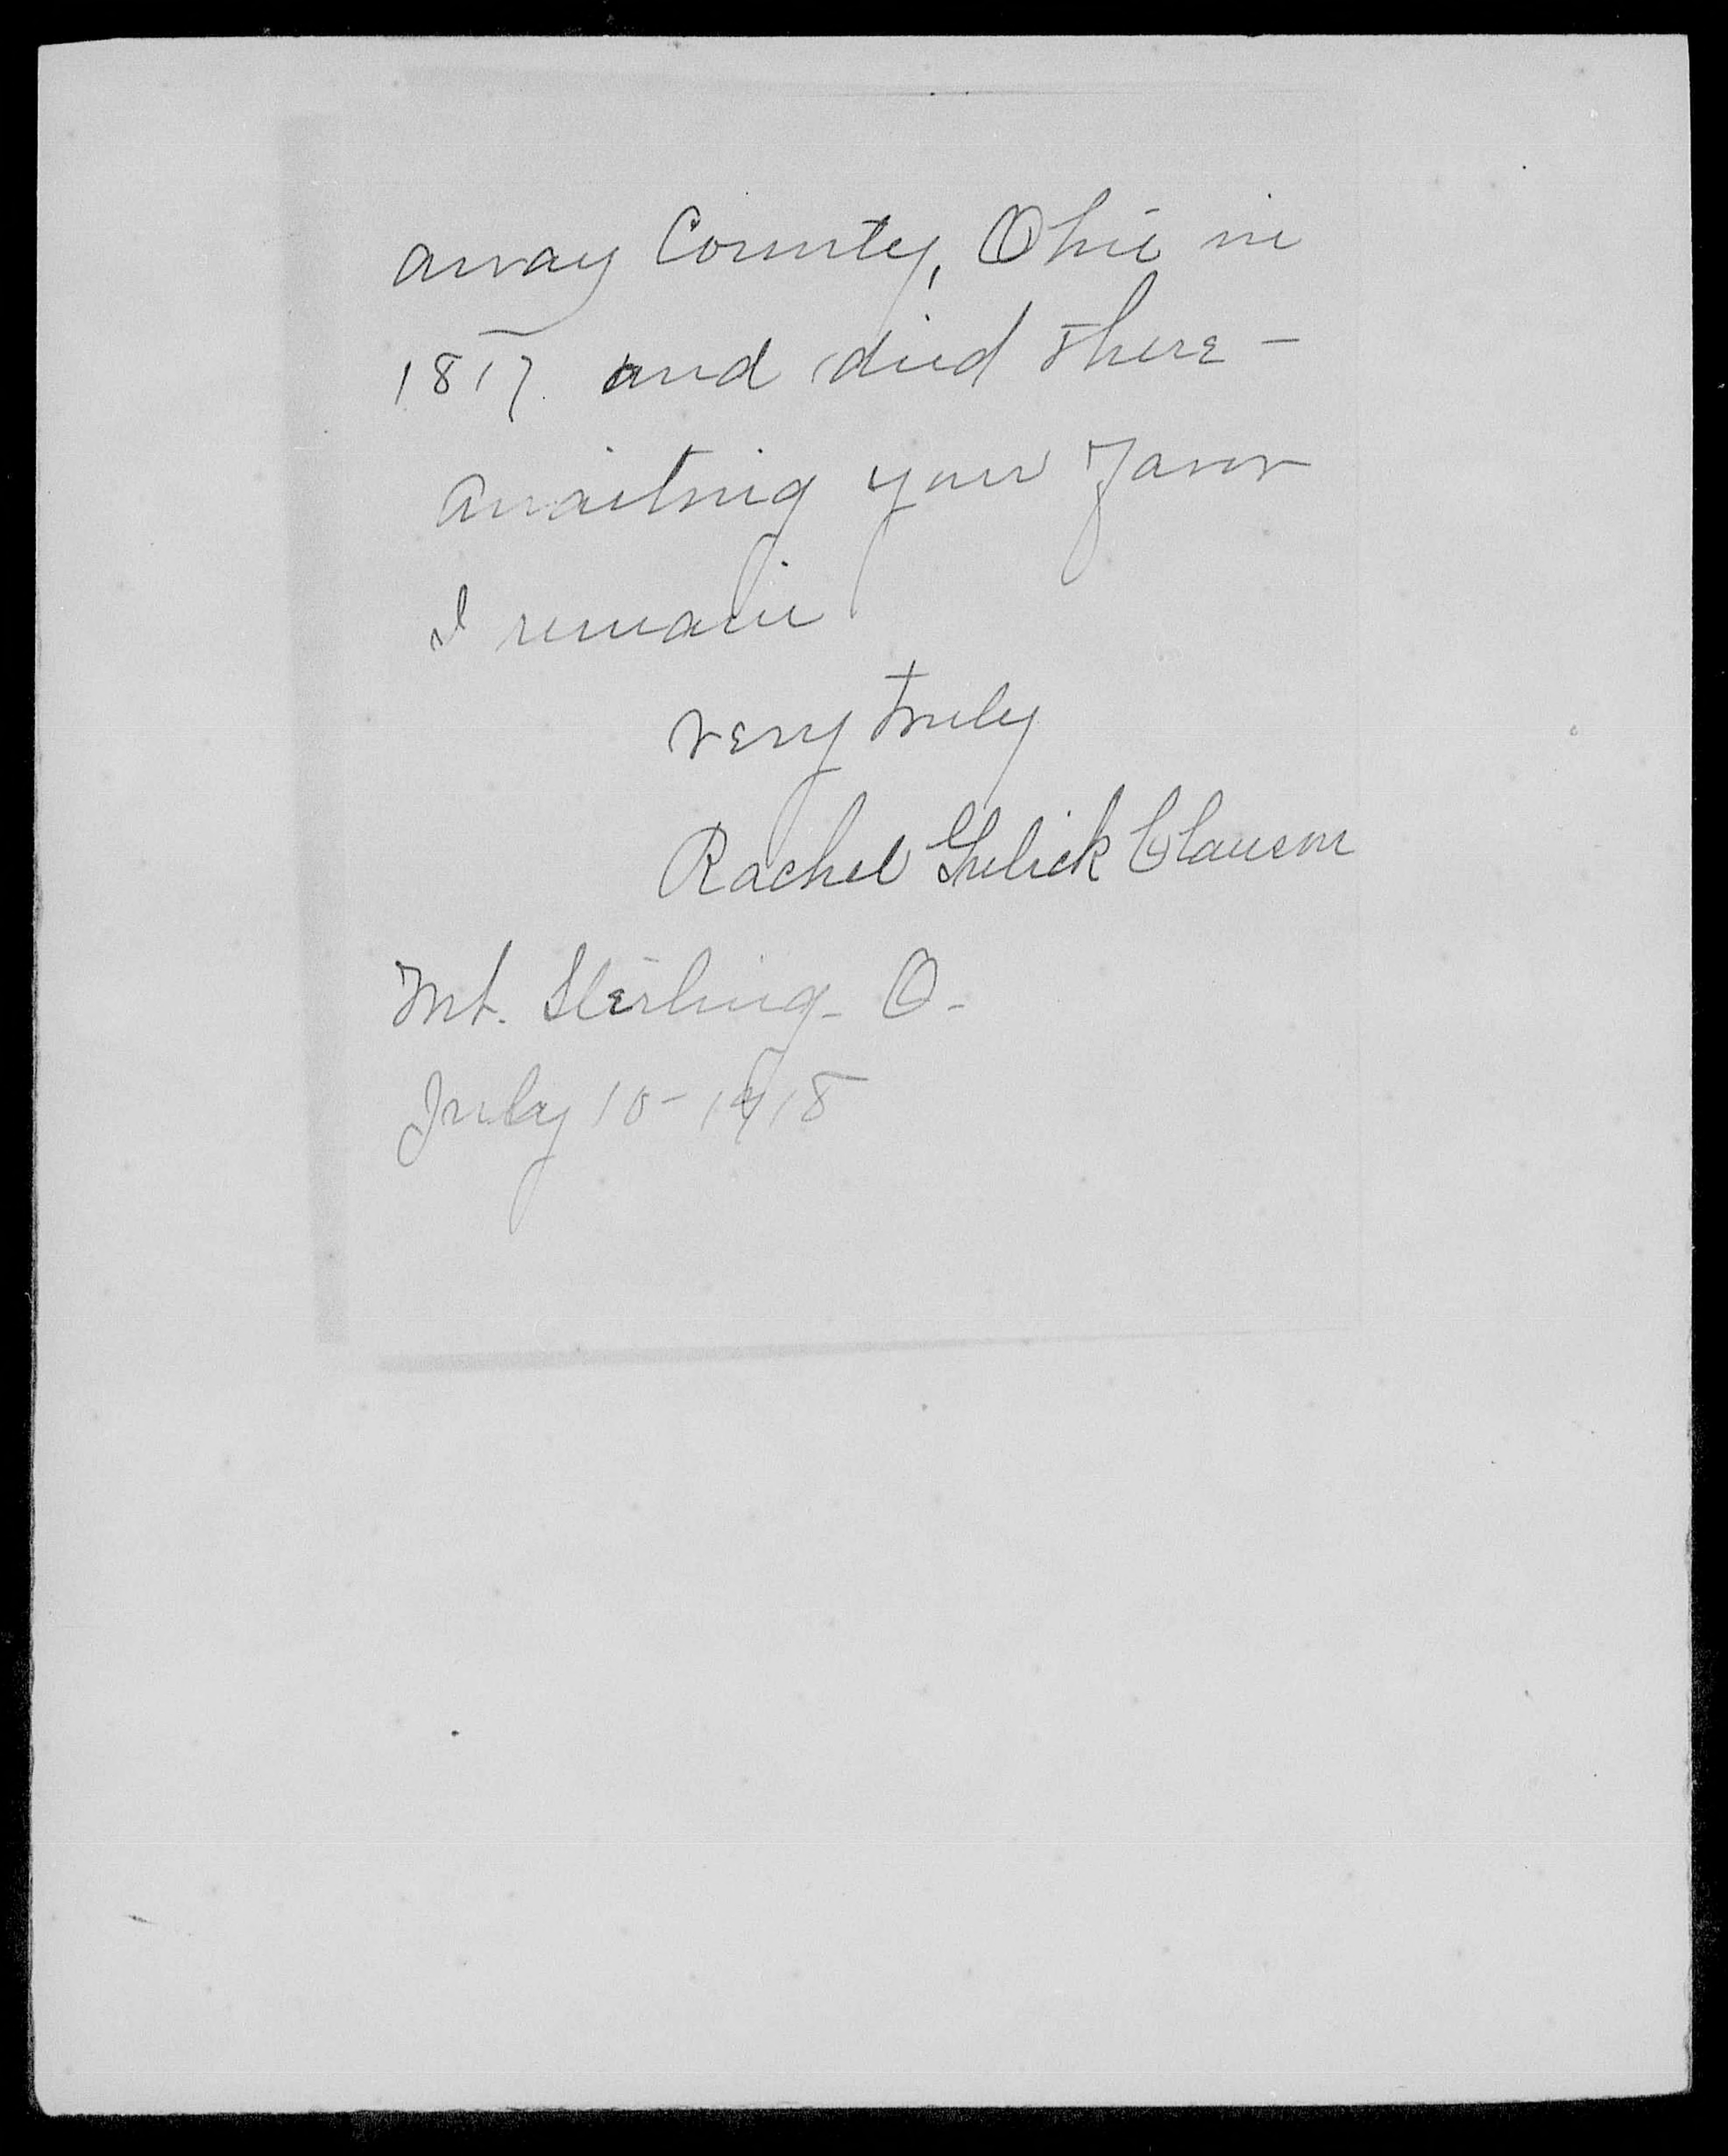away County, Ohio in 1817 and died there.

Awaiting your (illegible)
I remain,

Very truly
Rachel Gulick Clauson

Mt. Sterling O
July 10 1918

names: Rachel Gulick Clauson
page: 18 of 21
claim: survivor's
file: S. 2586, Ferdinand Gulick, New Jersey Va.